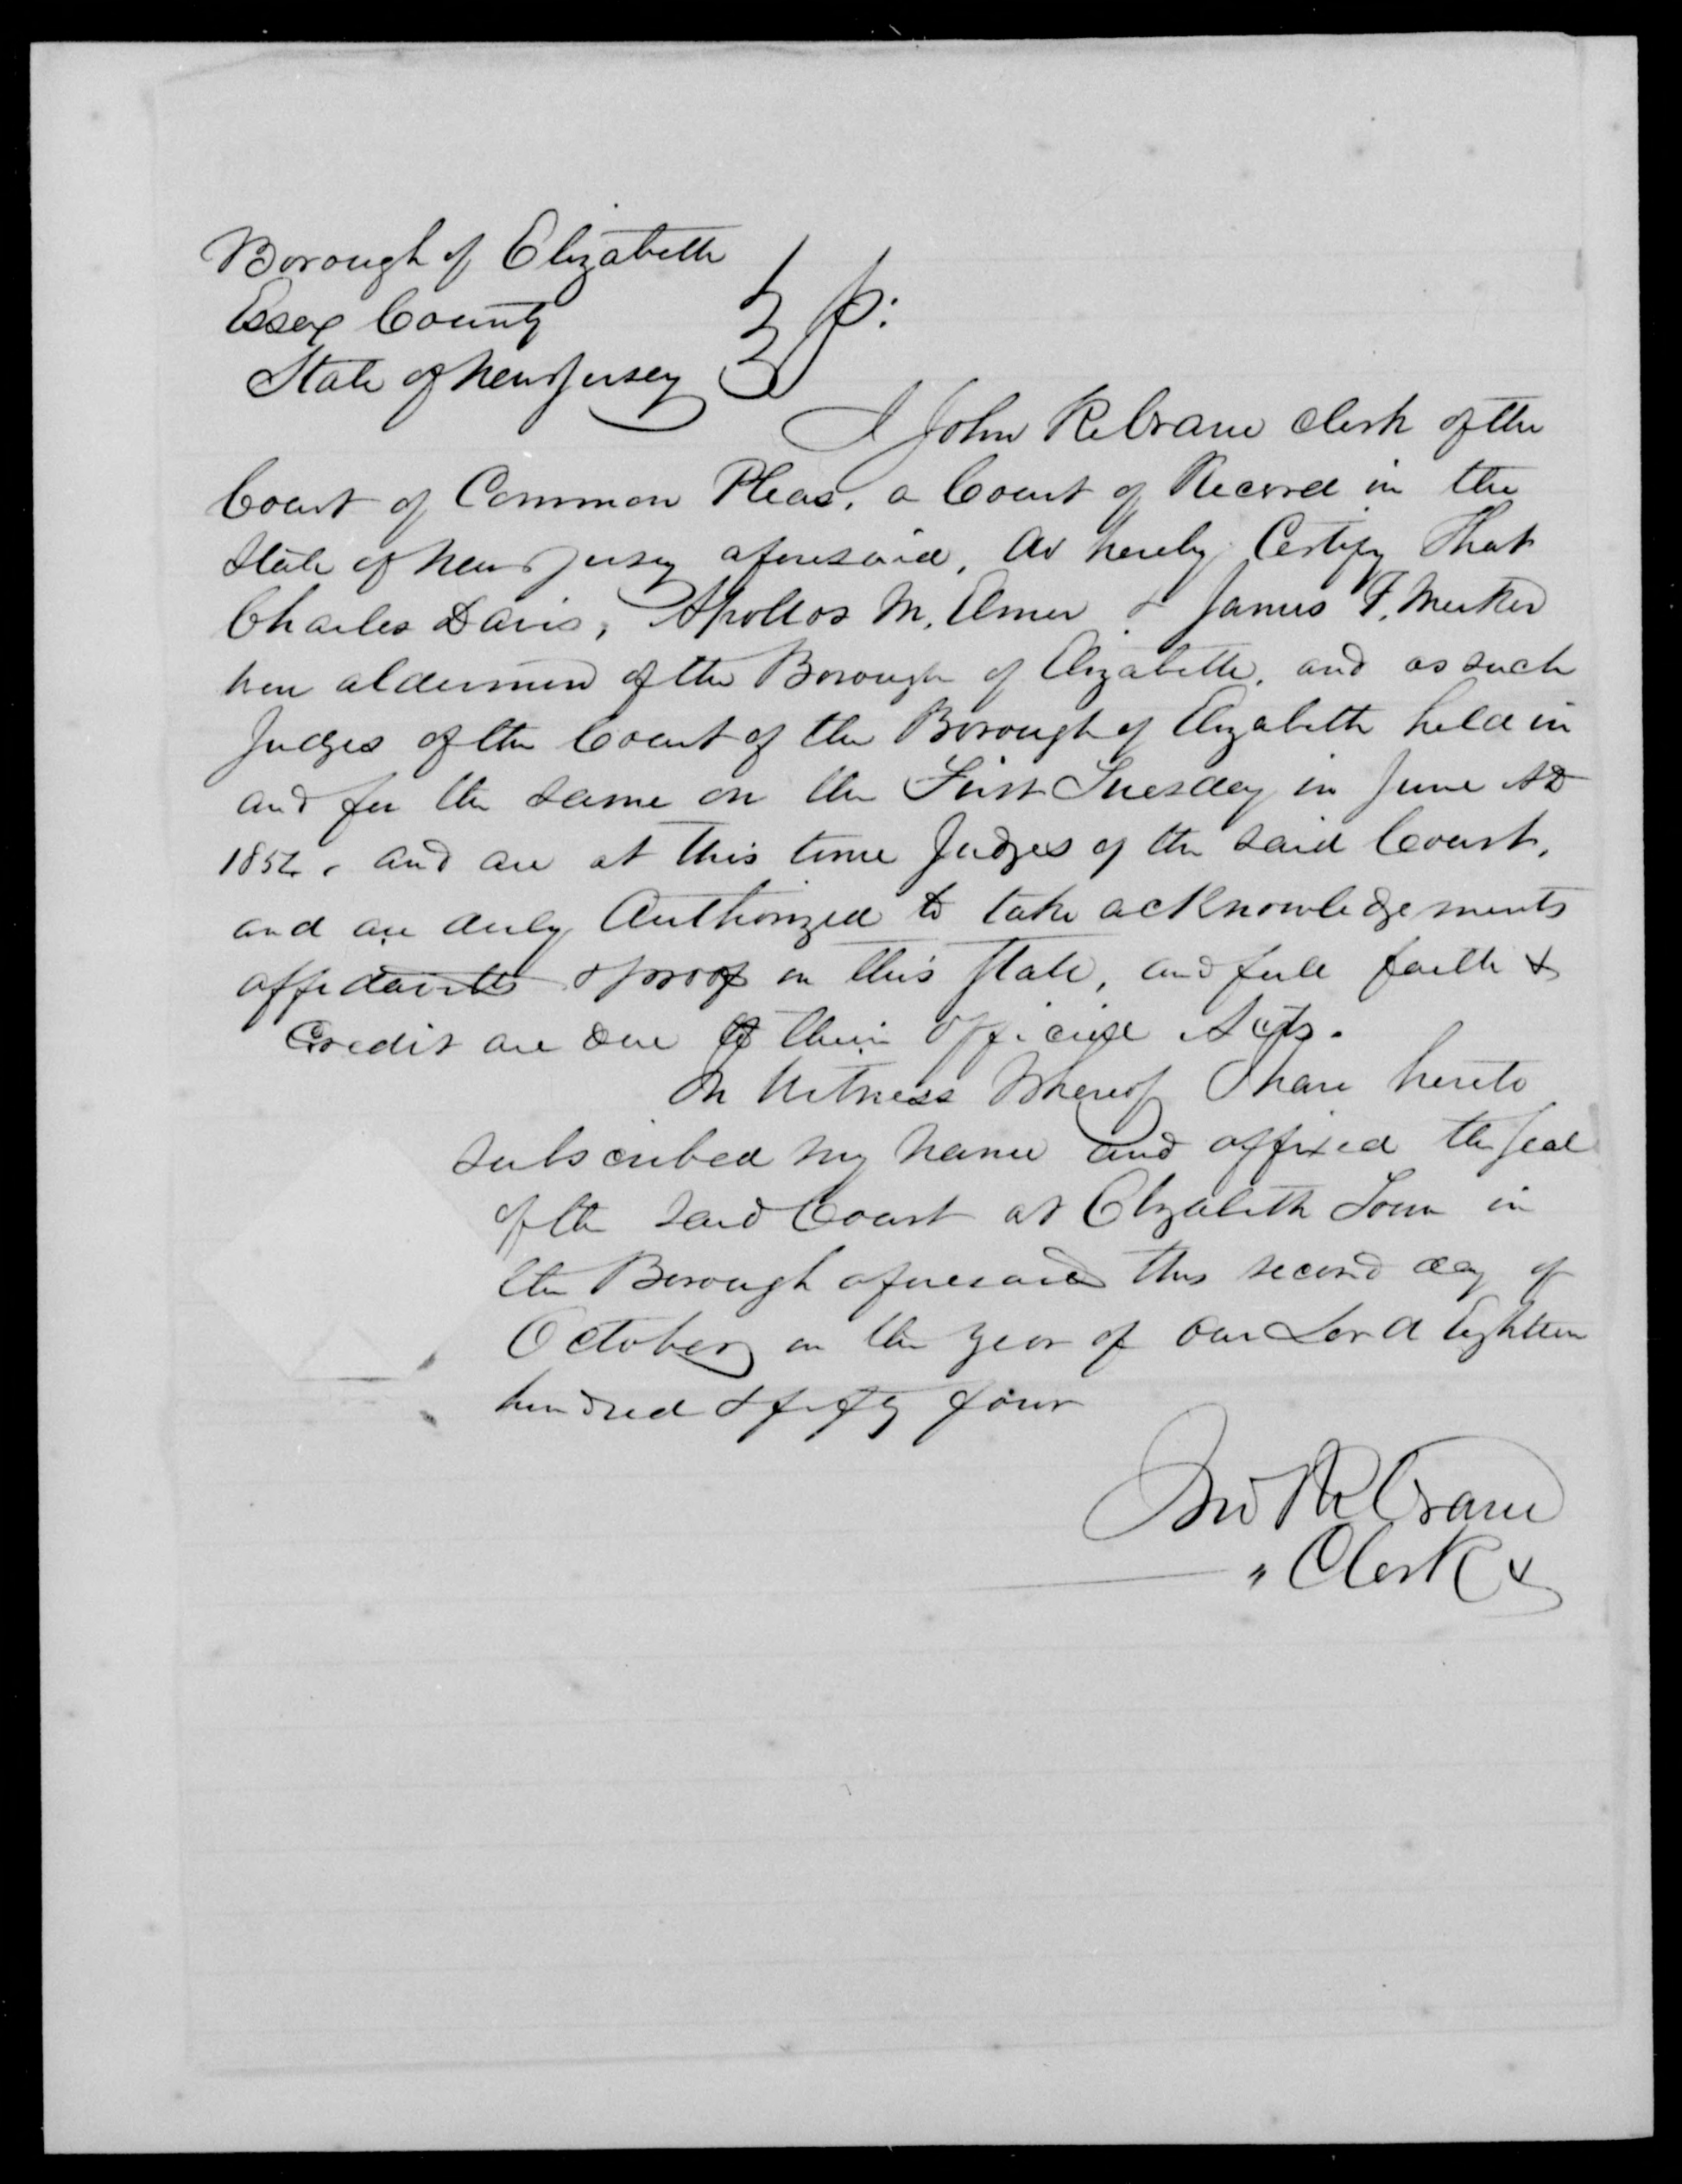Borough of Elizabeth
Essex County
State of New Jersey

I John Rebrane clerk of the Court of Common Please, a Court of Record in the State of New Jersey aforesaid as hereby certify that Charles Davis, Apollos M. Elmer, & James F. Meeker are aldermen of the Borough of Elizabeth and as such Judges of the Court of the Borough of Elizabeth held in and for the same on this first Tuesday in June AD 1852 and are at this time Judges of the said Court and are duly authorized to take acknowledgements affidavits & proof in this State, and full faith & credit are due to the official Acts.

In witness whereof I have hereto subscribed my name and affixed the seal of the *** Court of Elizabethtown in the Borough aforesaid this second day of October in the year of our lord eighteen hundred & fifty four

Jno M Cram
Clerk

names: Apollos M Elmer; Jno M Cram; John Rebrane; James F Meeker; Charles Davis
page: 53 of 65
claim: widow's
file: W. 7197, for Jonathan Spear, Vermont